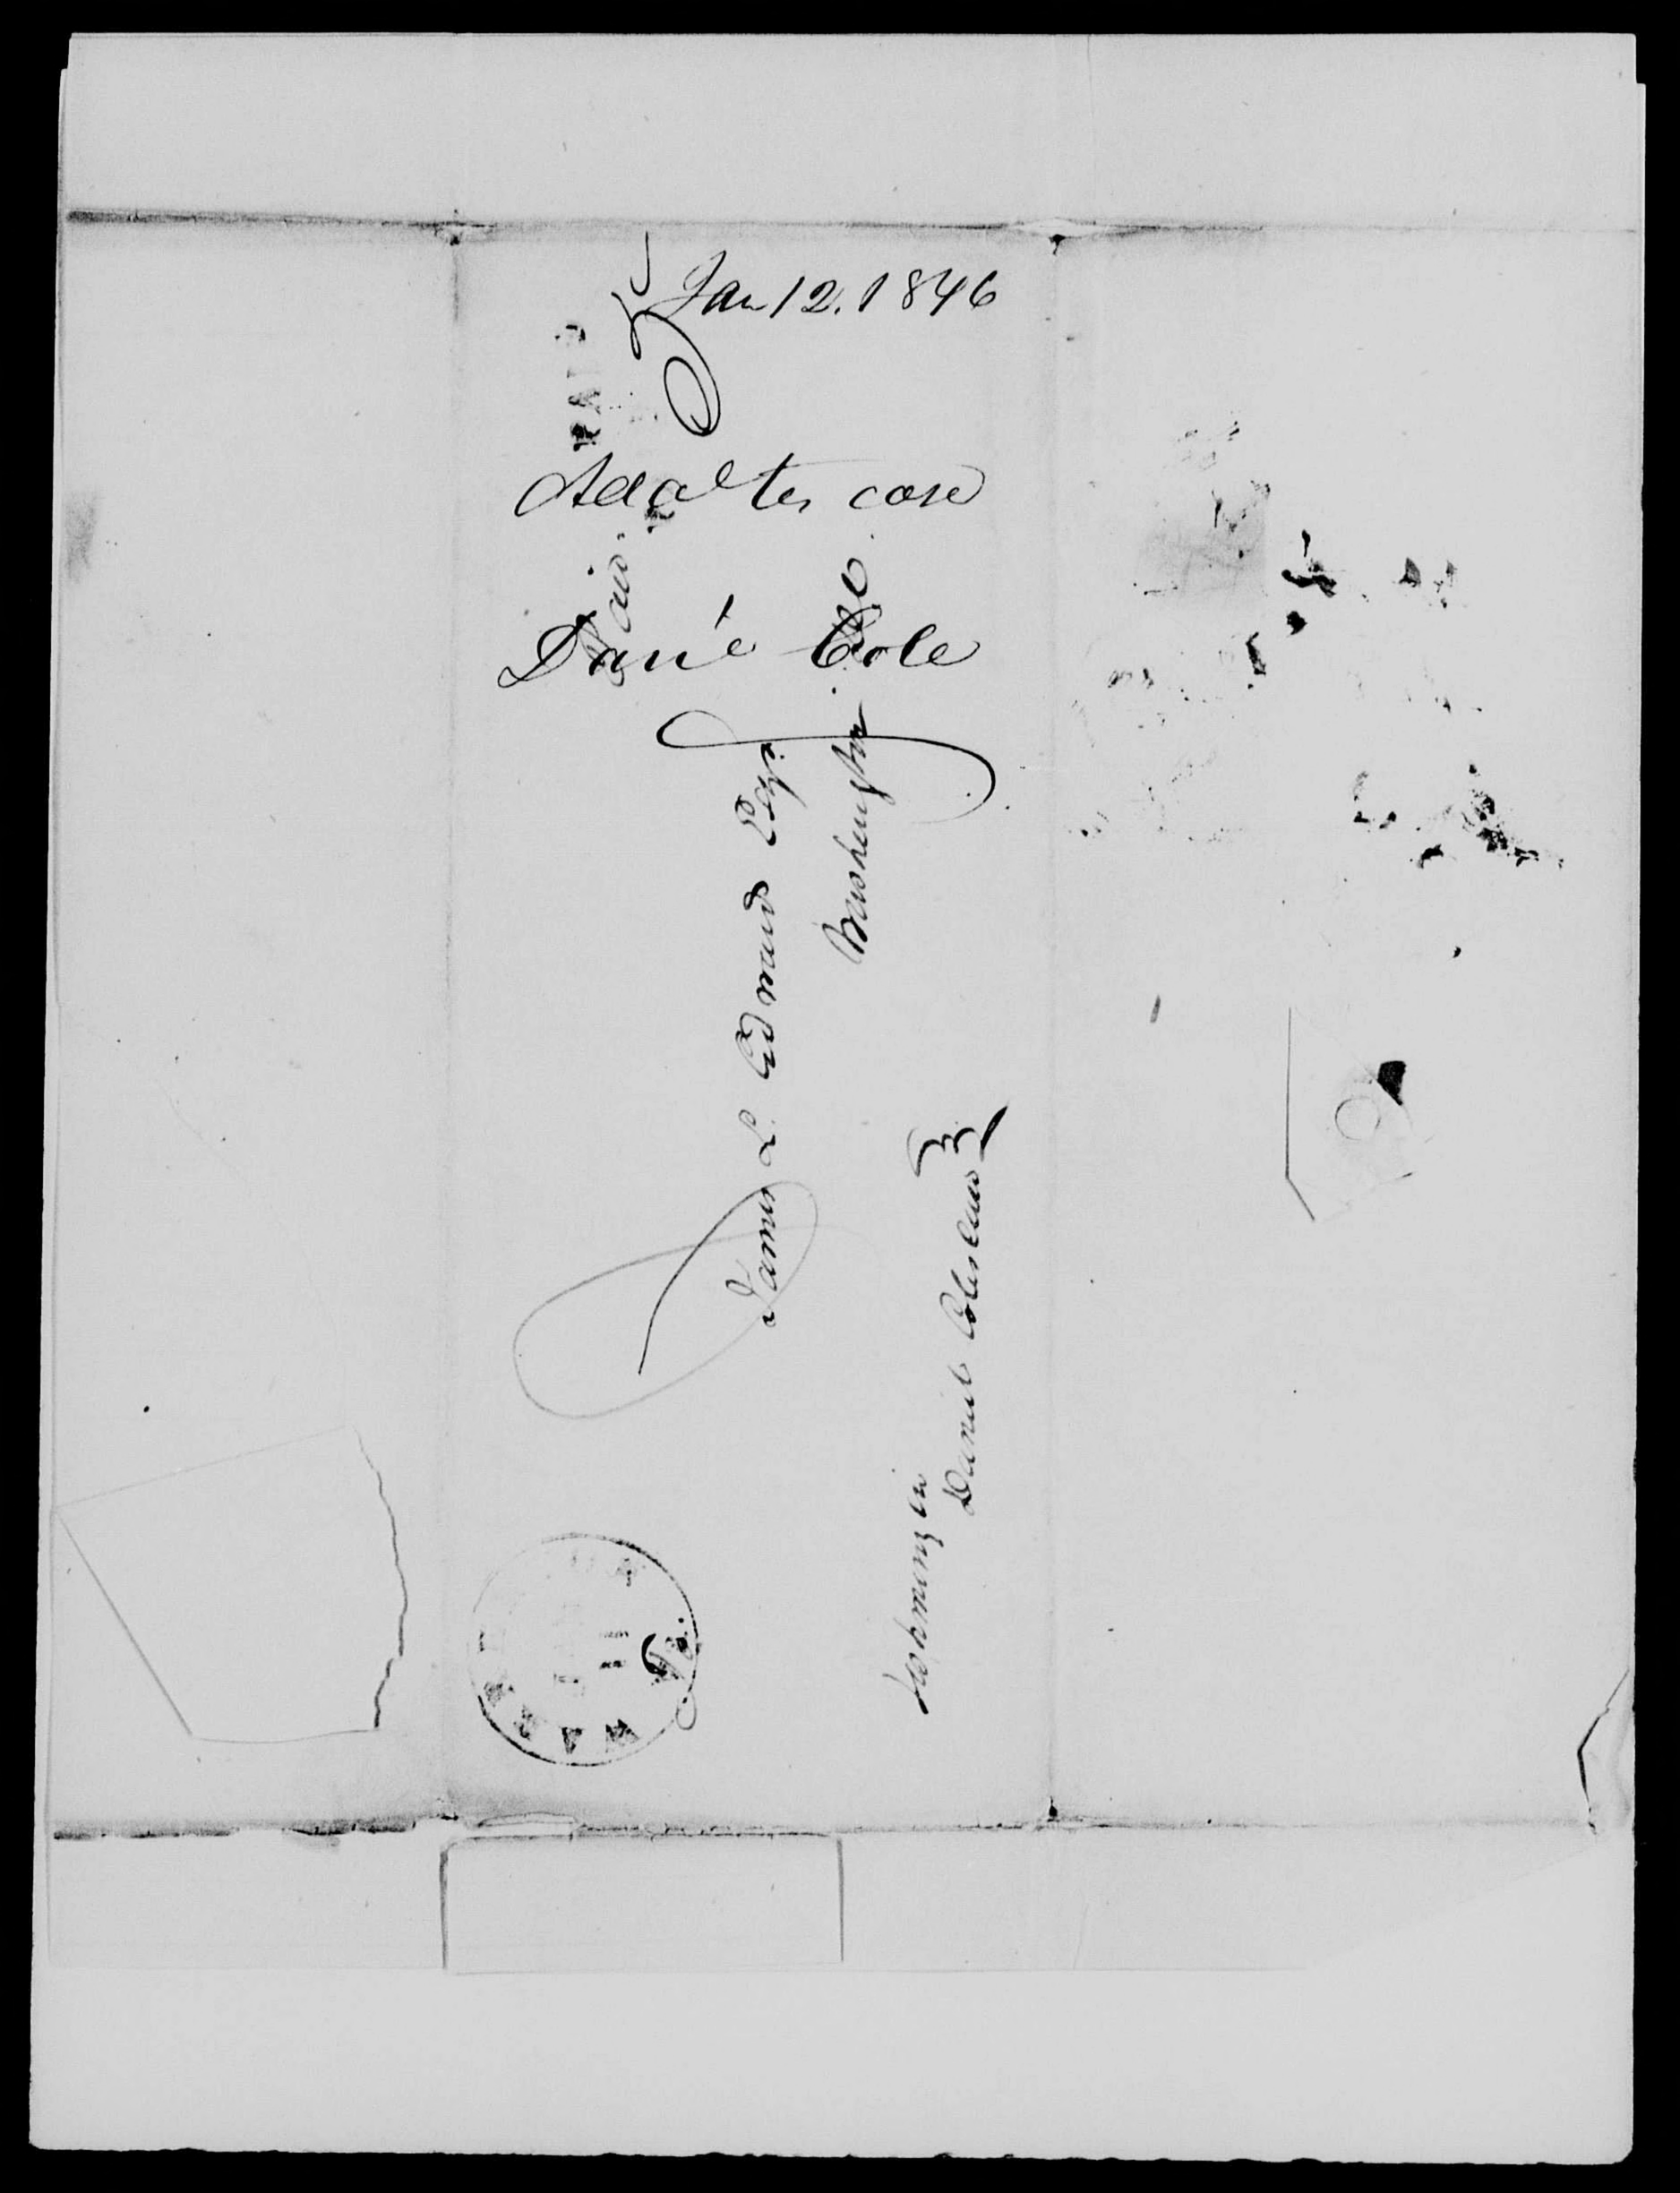Jan 12 1846

[illegible] case
Daniel Cole
James L. Edwards Esq.
 DC.
PAID
PAID

No money in
Daniel Cole [illegible]

[postmark] WAR[illegible]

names: Daniel Cole, Danl Cole, James L Edwards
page: 33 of 61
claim: survivor's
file: S. 8236, Daniel Cole, Va.